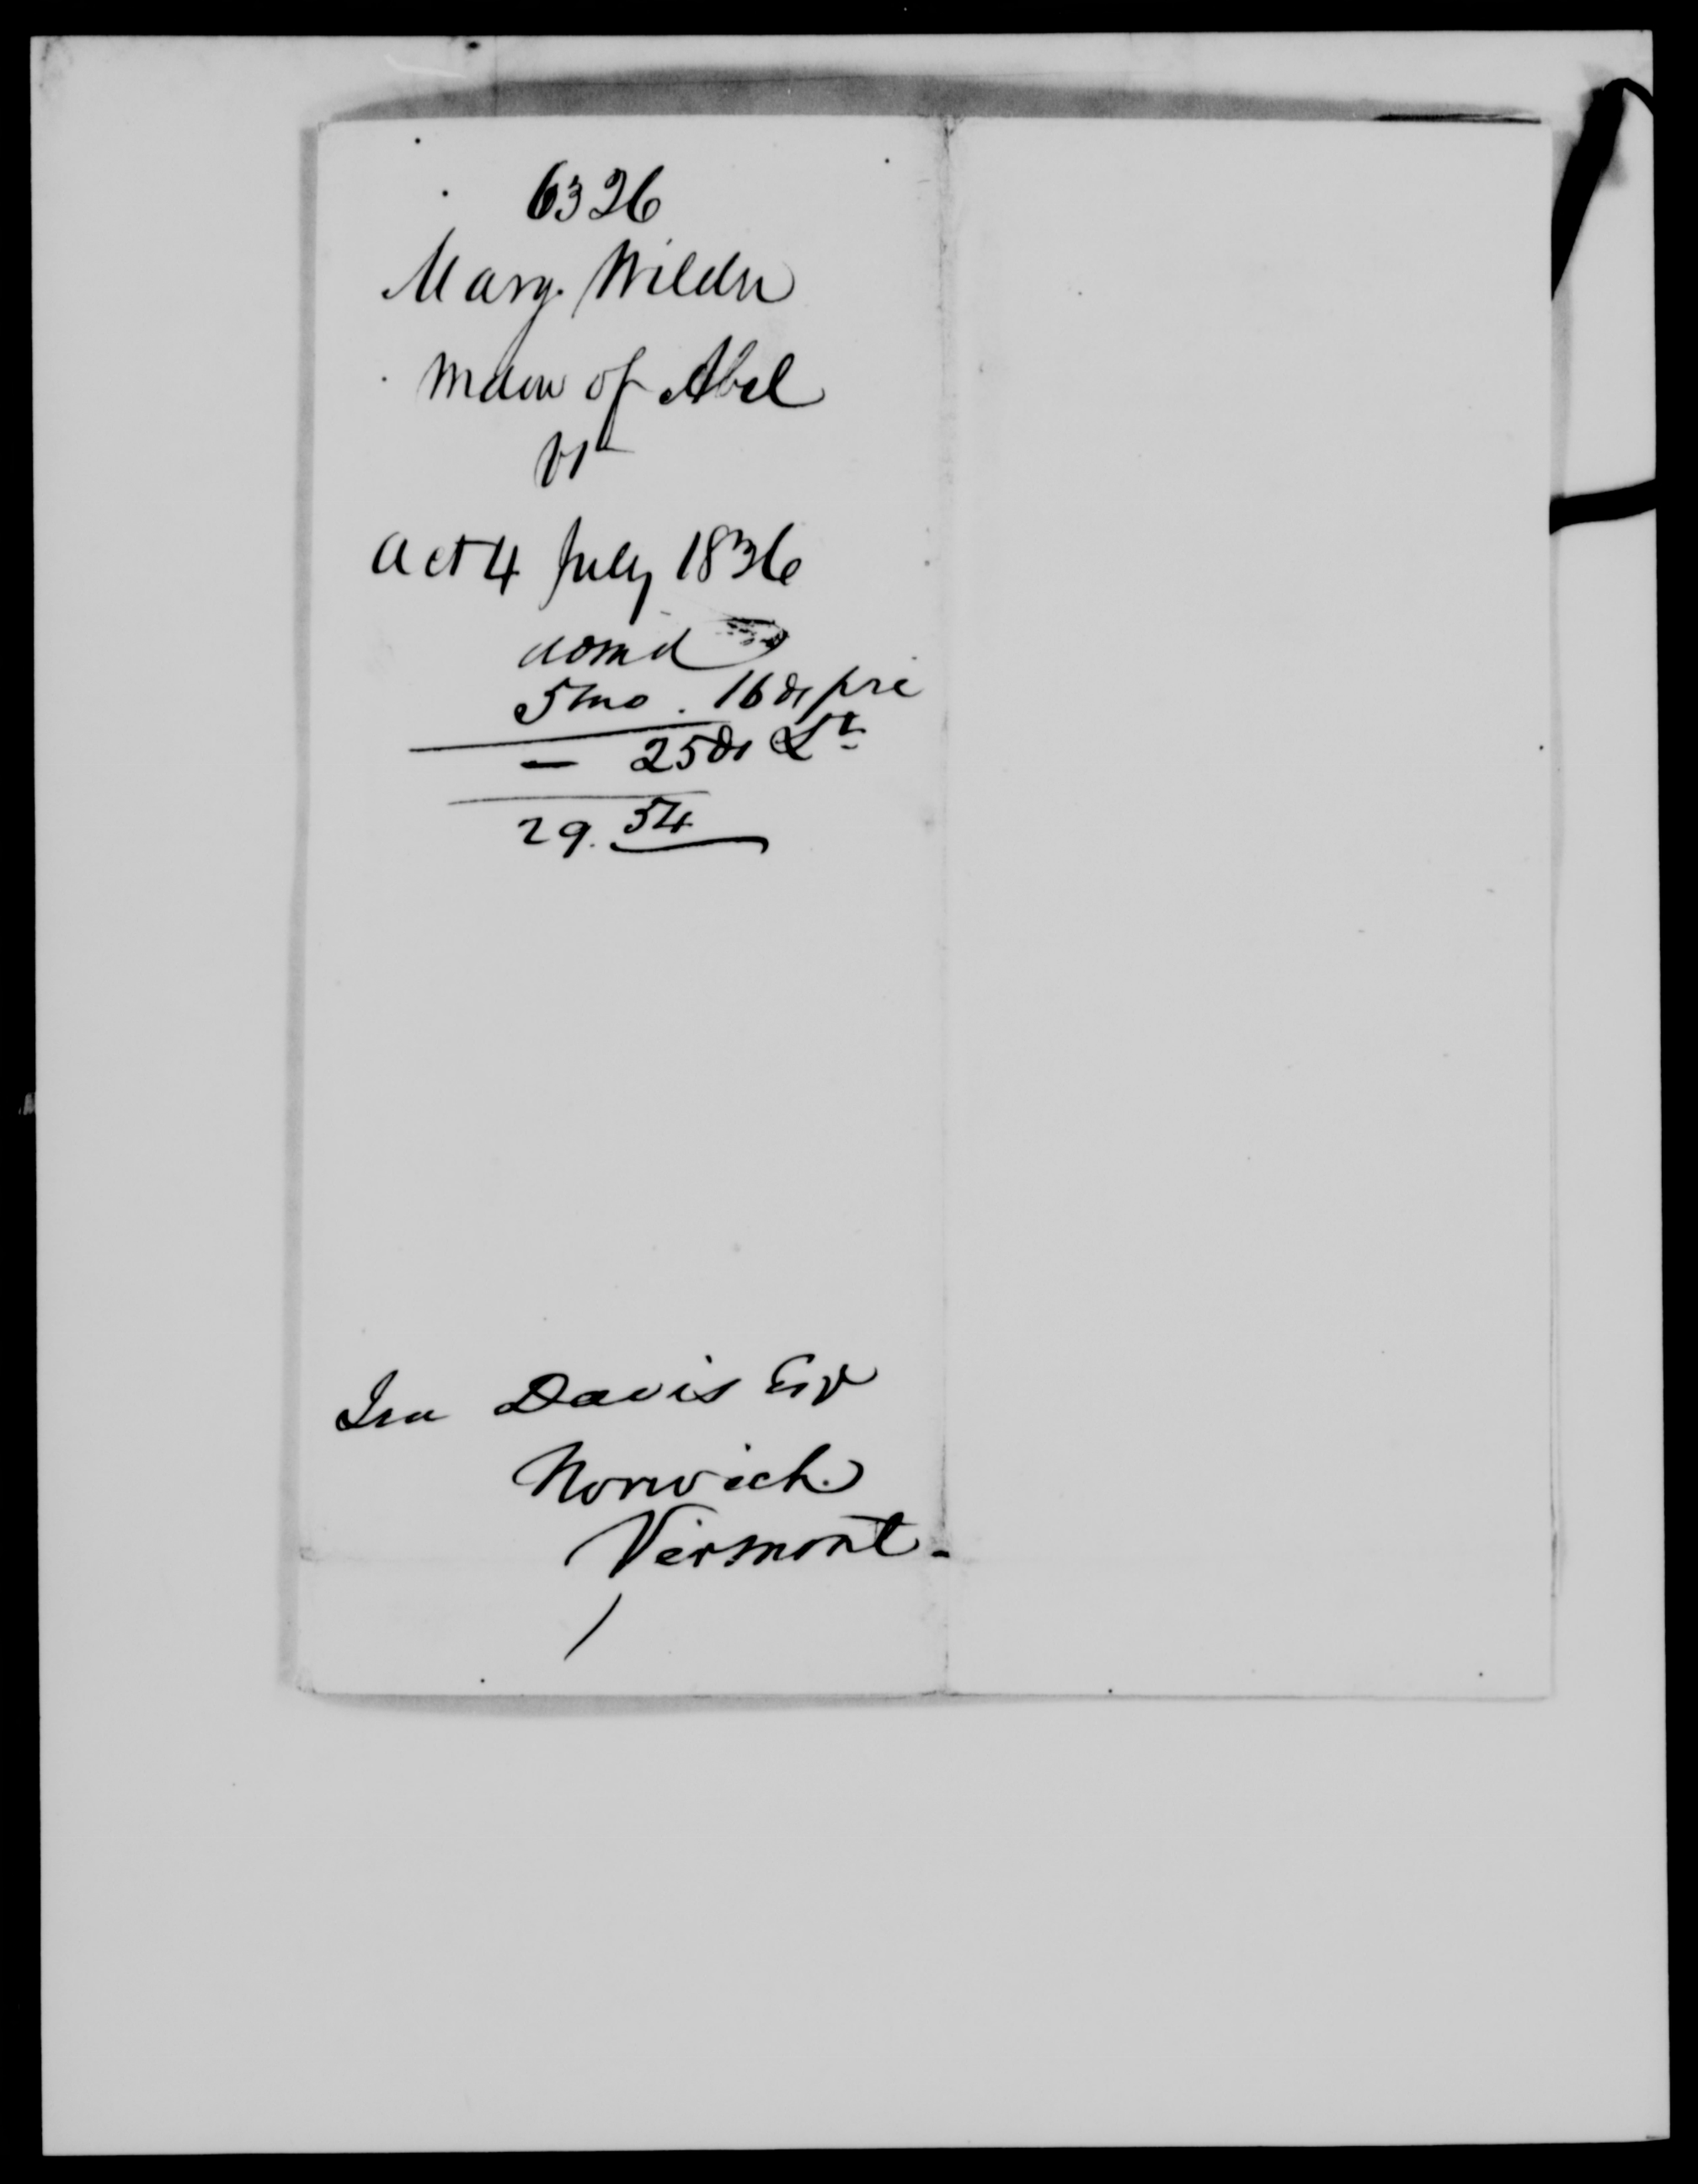6326 Mary Wilder wdow of Abel Act 4 July 1836 aomd. 5 mo. 16 pre 25 
29.54
Ira Davis Esq Norwich Vermont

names: Abel Wilder, Ira Davis, Mary Wilder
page: 25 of 40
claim: widow's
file: W. 18,426, Abel Wilder, Mass. N.H. Vt.